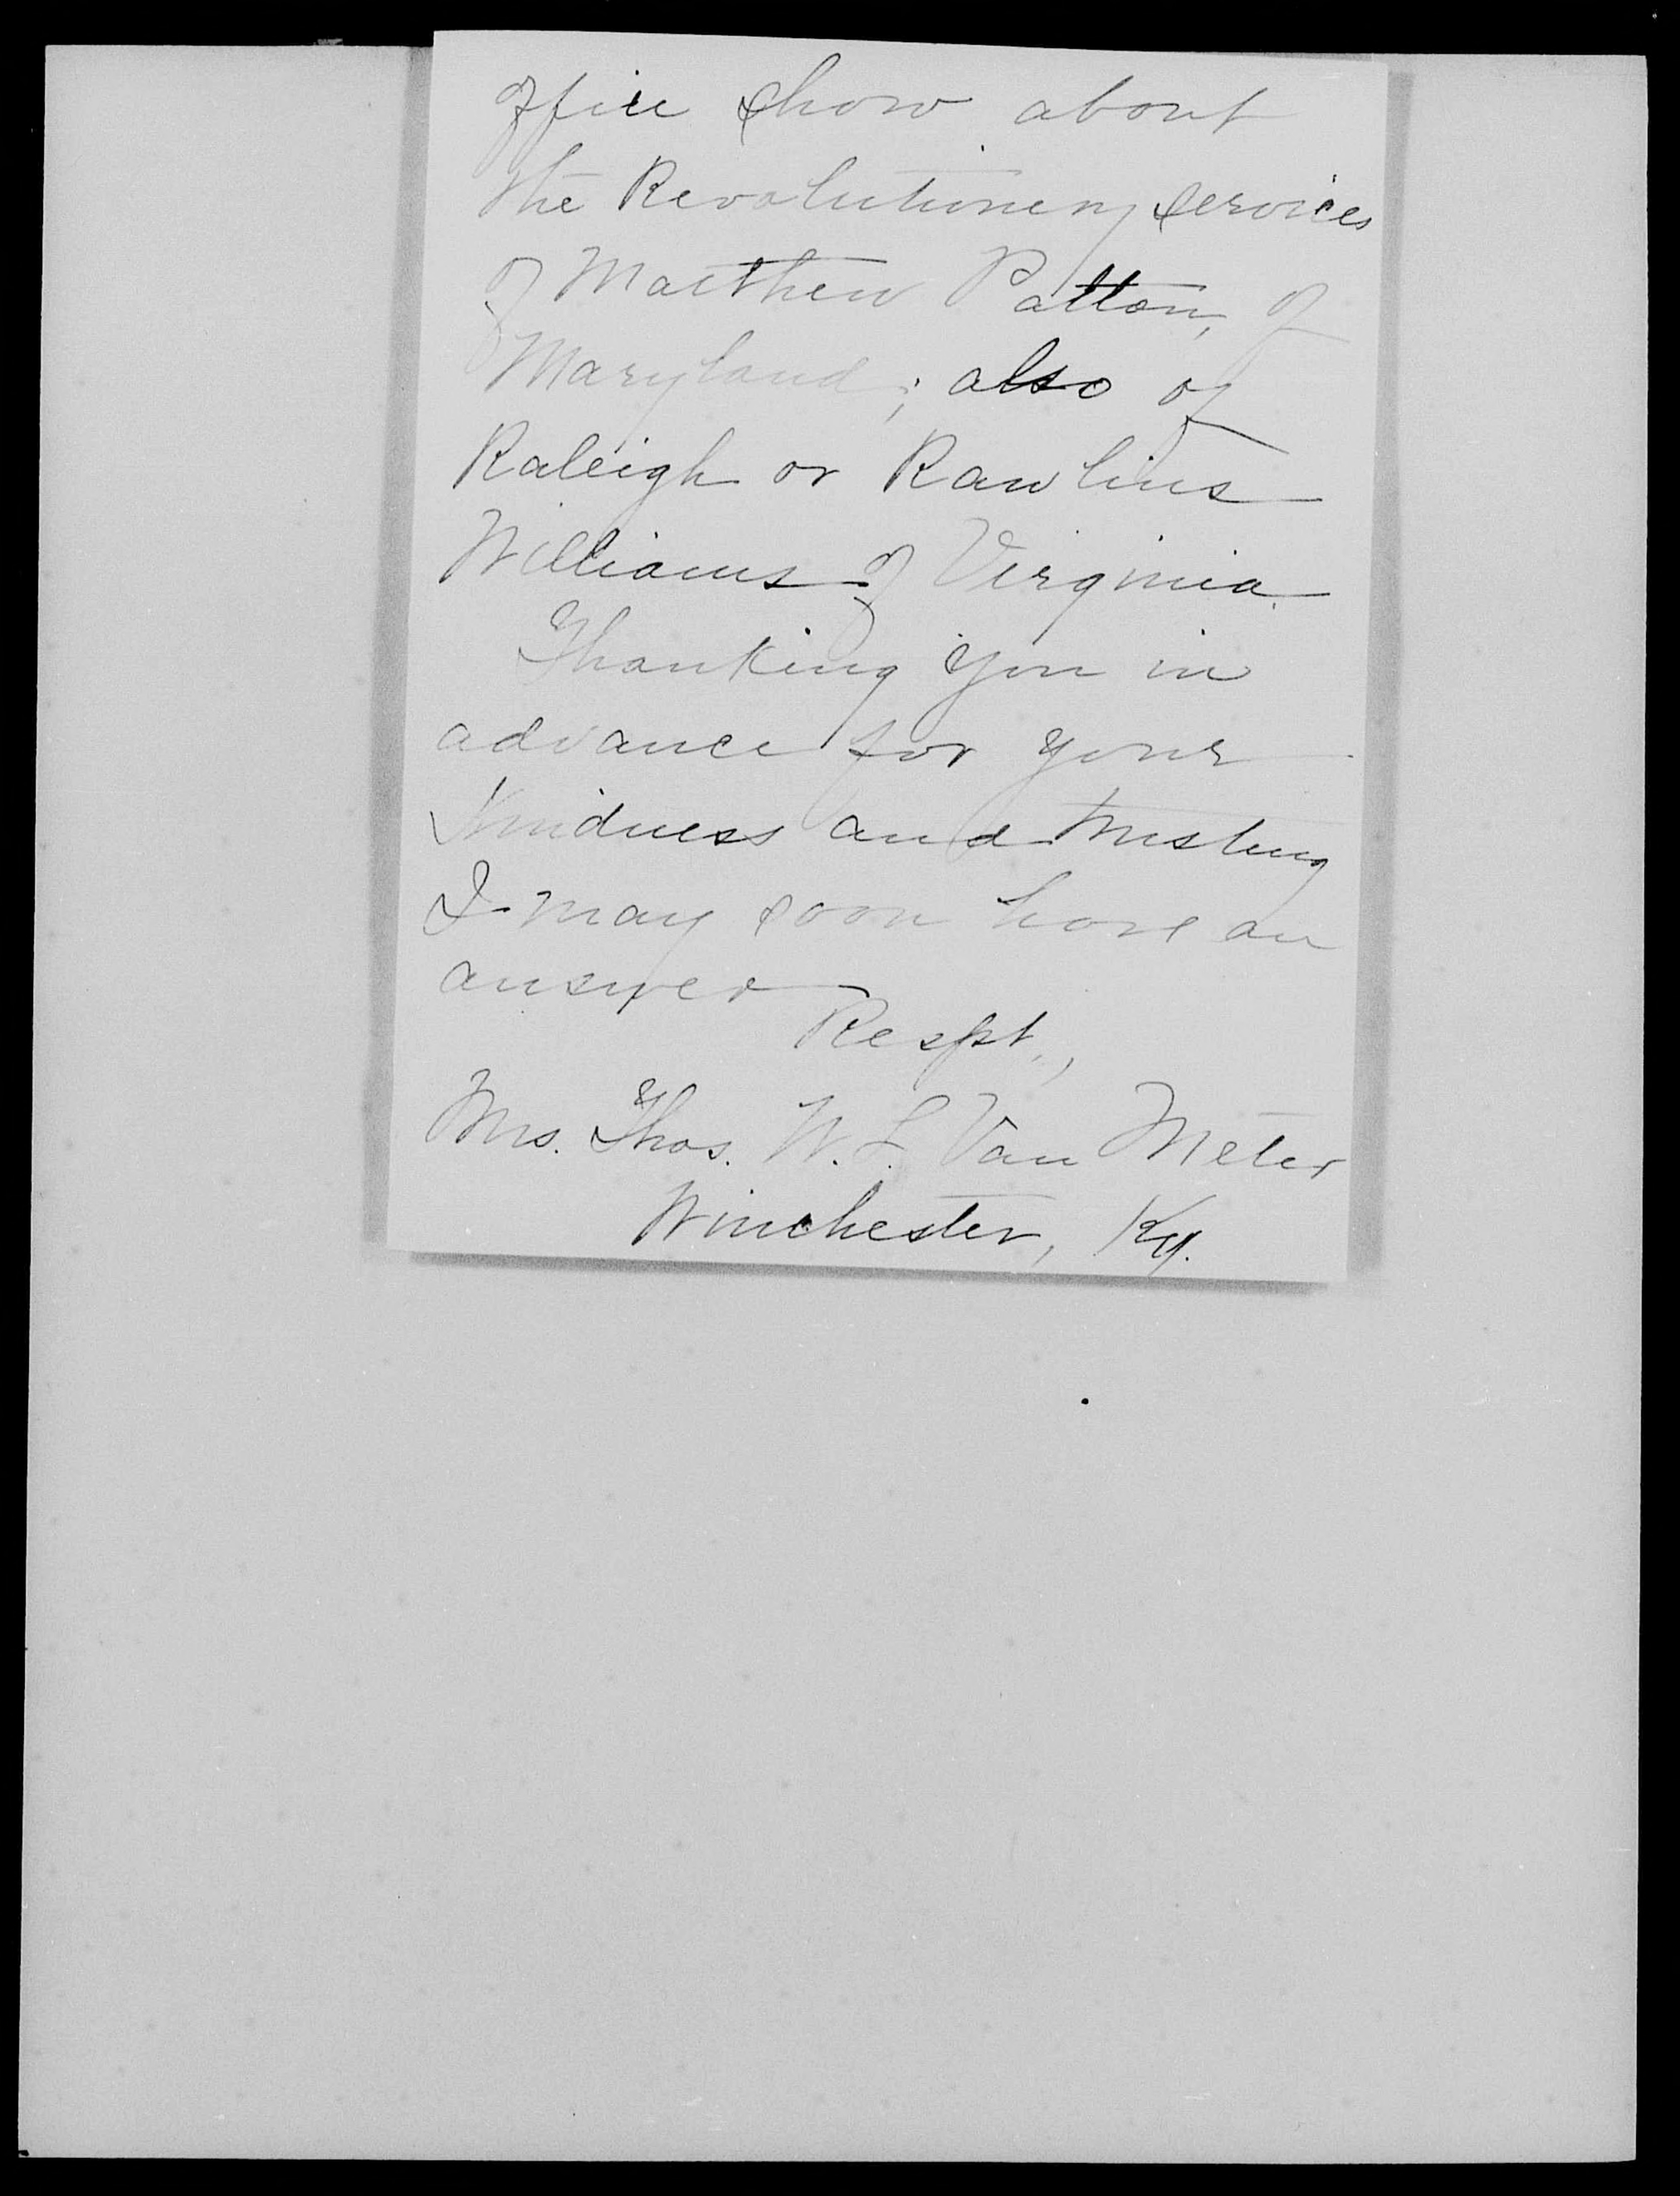office show about
the Revolutionary services
Matthew Patton
of Maryland, also of
Raleigh or Rawlins
Williams of Virginia
Thanking you in
 you in advance for your
kindness and trusting
I may soon hear an 
answer
Respt,
Mrs. Thos. W. L. Van Meter
Winchester, Ky.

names: Thos W L Van Meter; [BLANK] Raleigh; [BLANK] Rawlins; Matthew Patton; [BLANK] Williams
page: 21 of 45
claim: survivor's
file: S. 31294, for Matthew Patton, Maryland